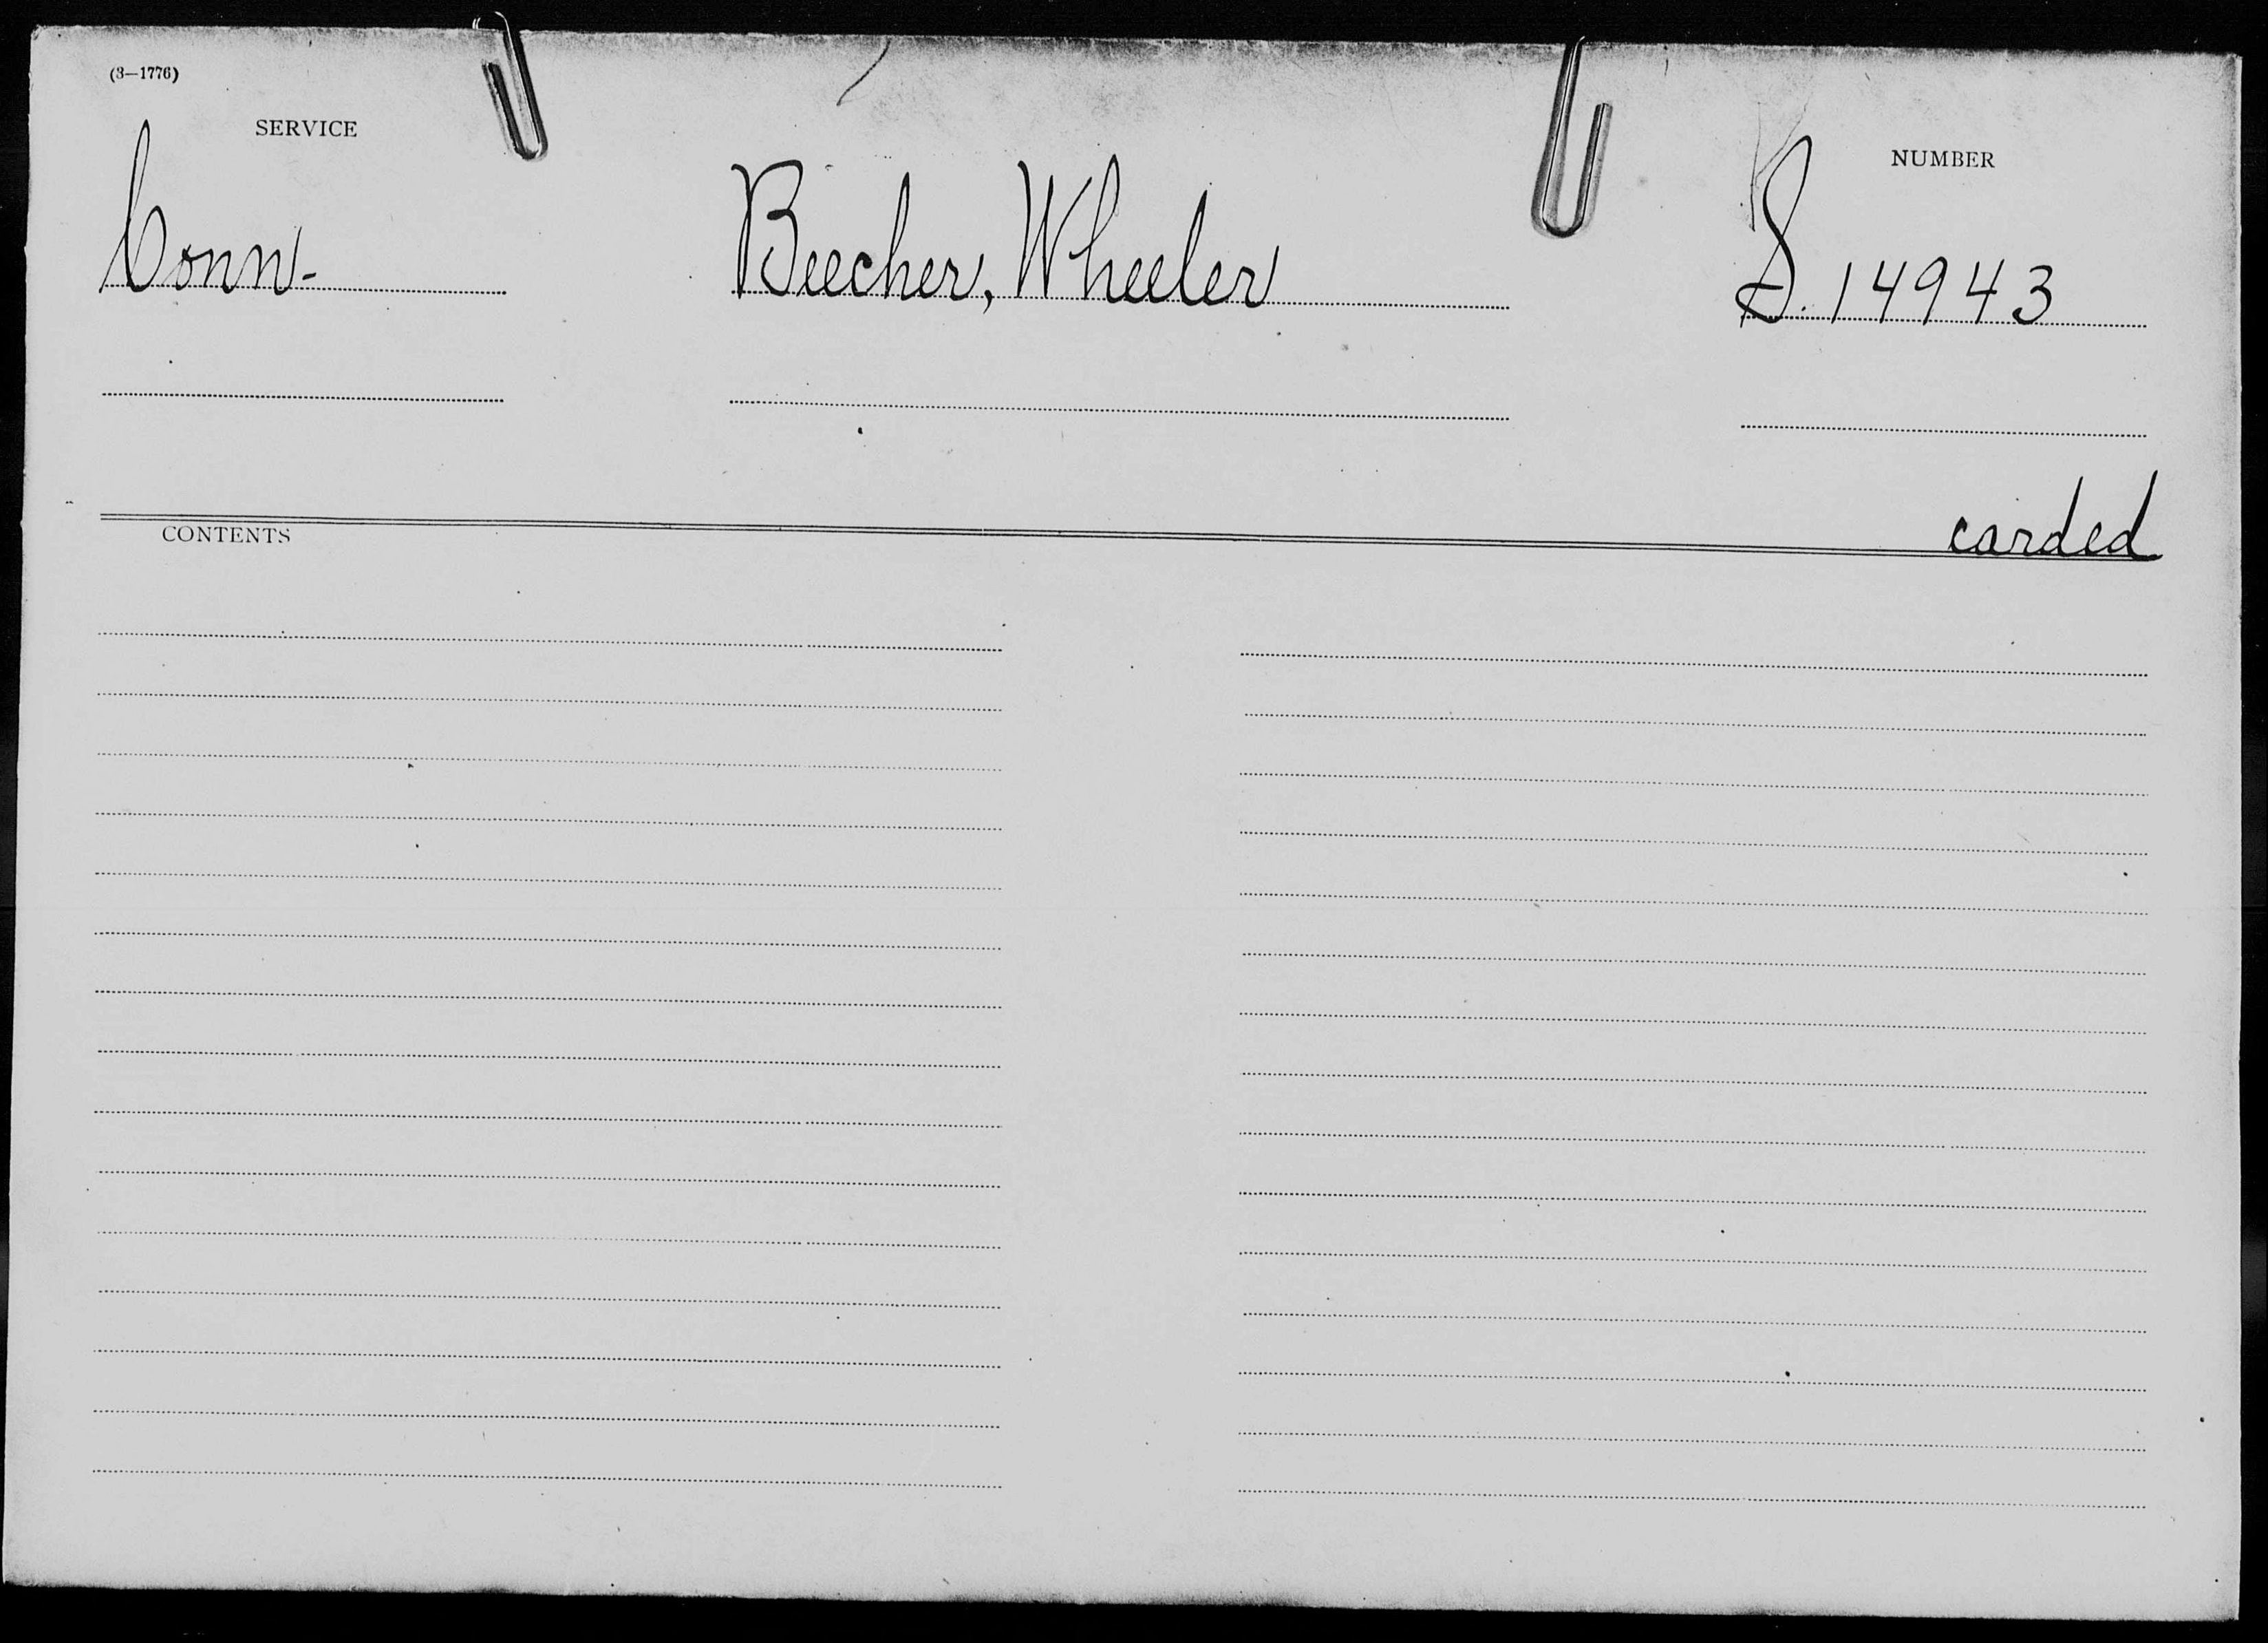service   number
Conn. Beecher, Wheeler.  S14943
carded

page: 1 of 21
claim: survivor's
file: S. 14943, Wheeler Beecher, Conn.